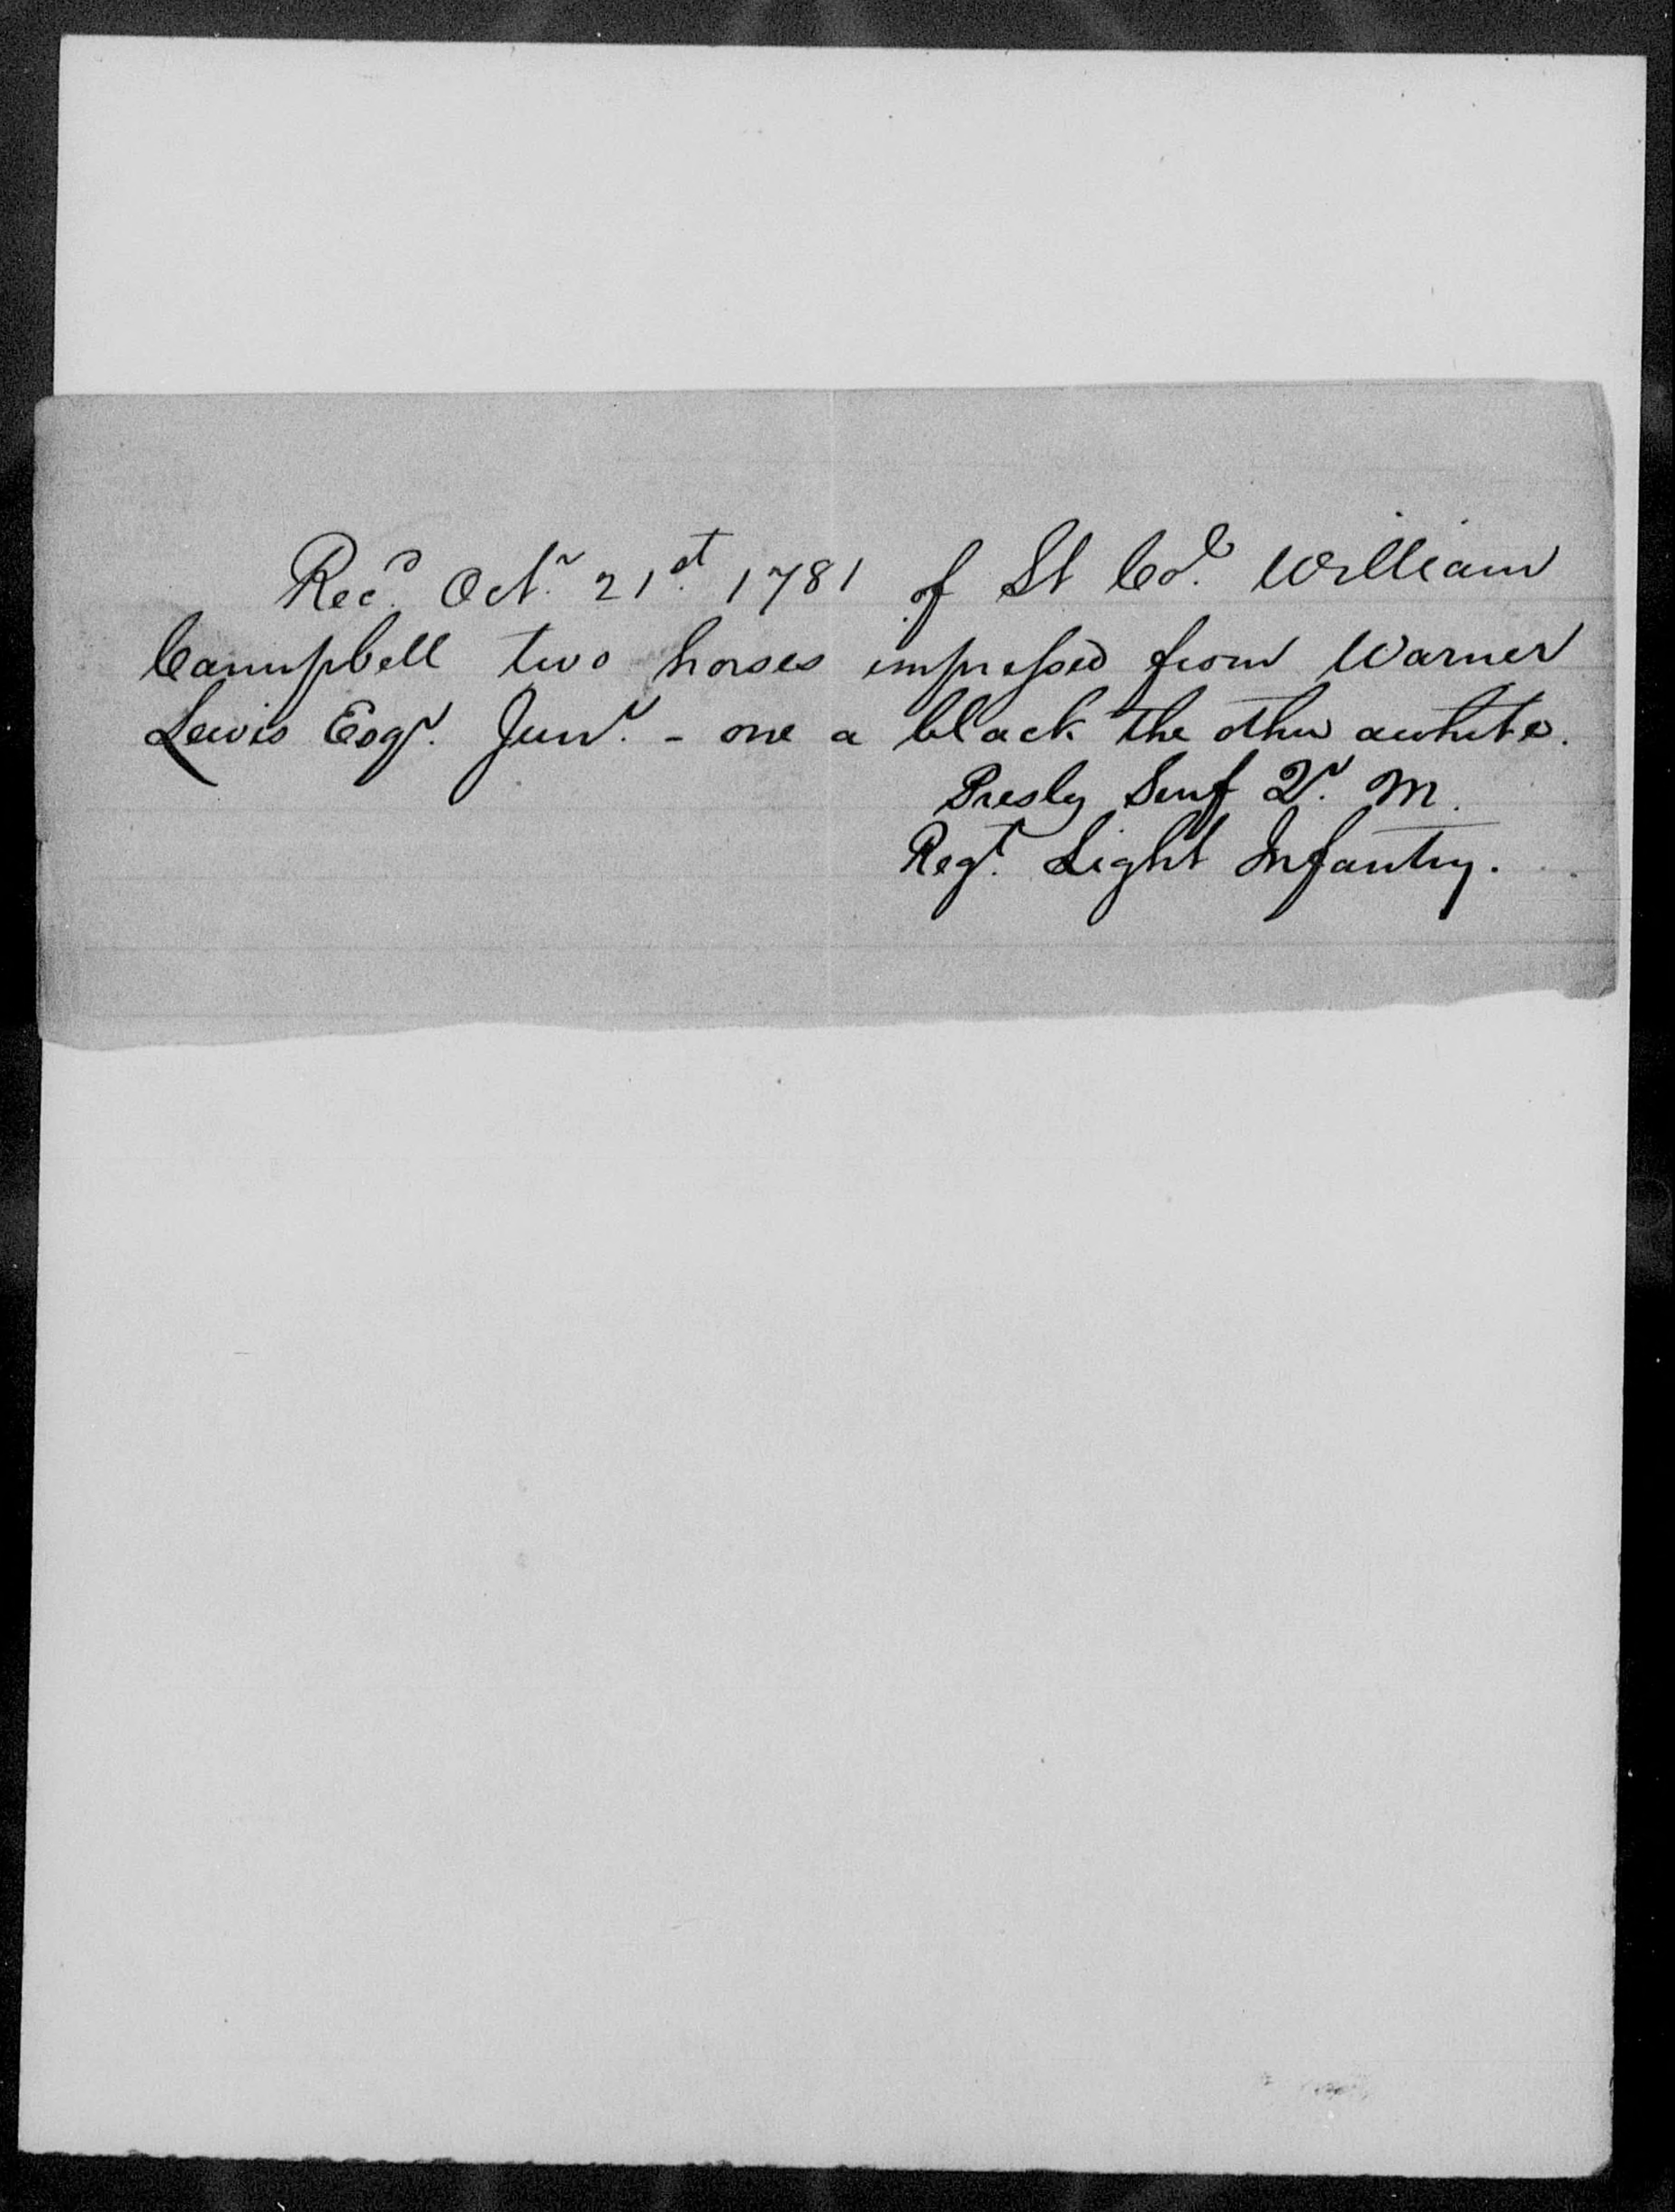Recd. Oct. 21st  1781. of Lt. Col. William Campbell two horses impressed from Warner Lewis Esqr. junior. - one a black the other a white Presley Senf 2d. M Regt. Light Infantry.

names: Warner Lewis, William Campbell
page: 45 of 267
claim: widow's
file: W. 4,149, William Campbell, Va.